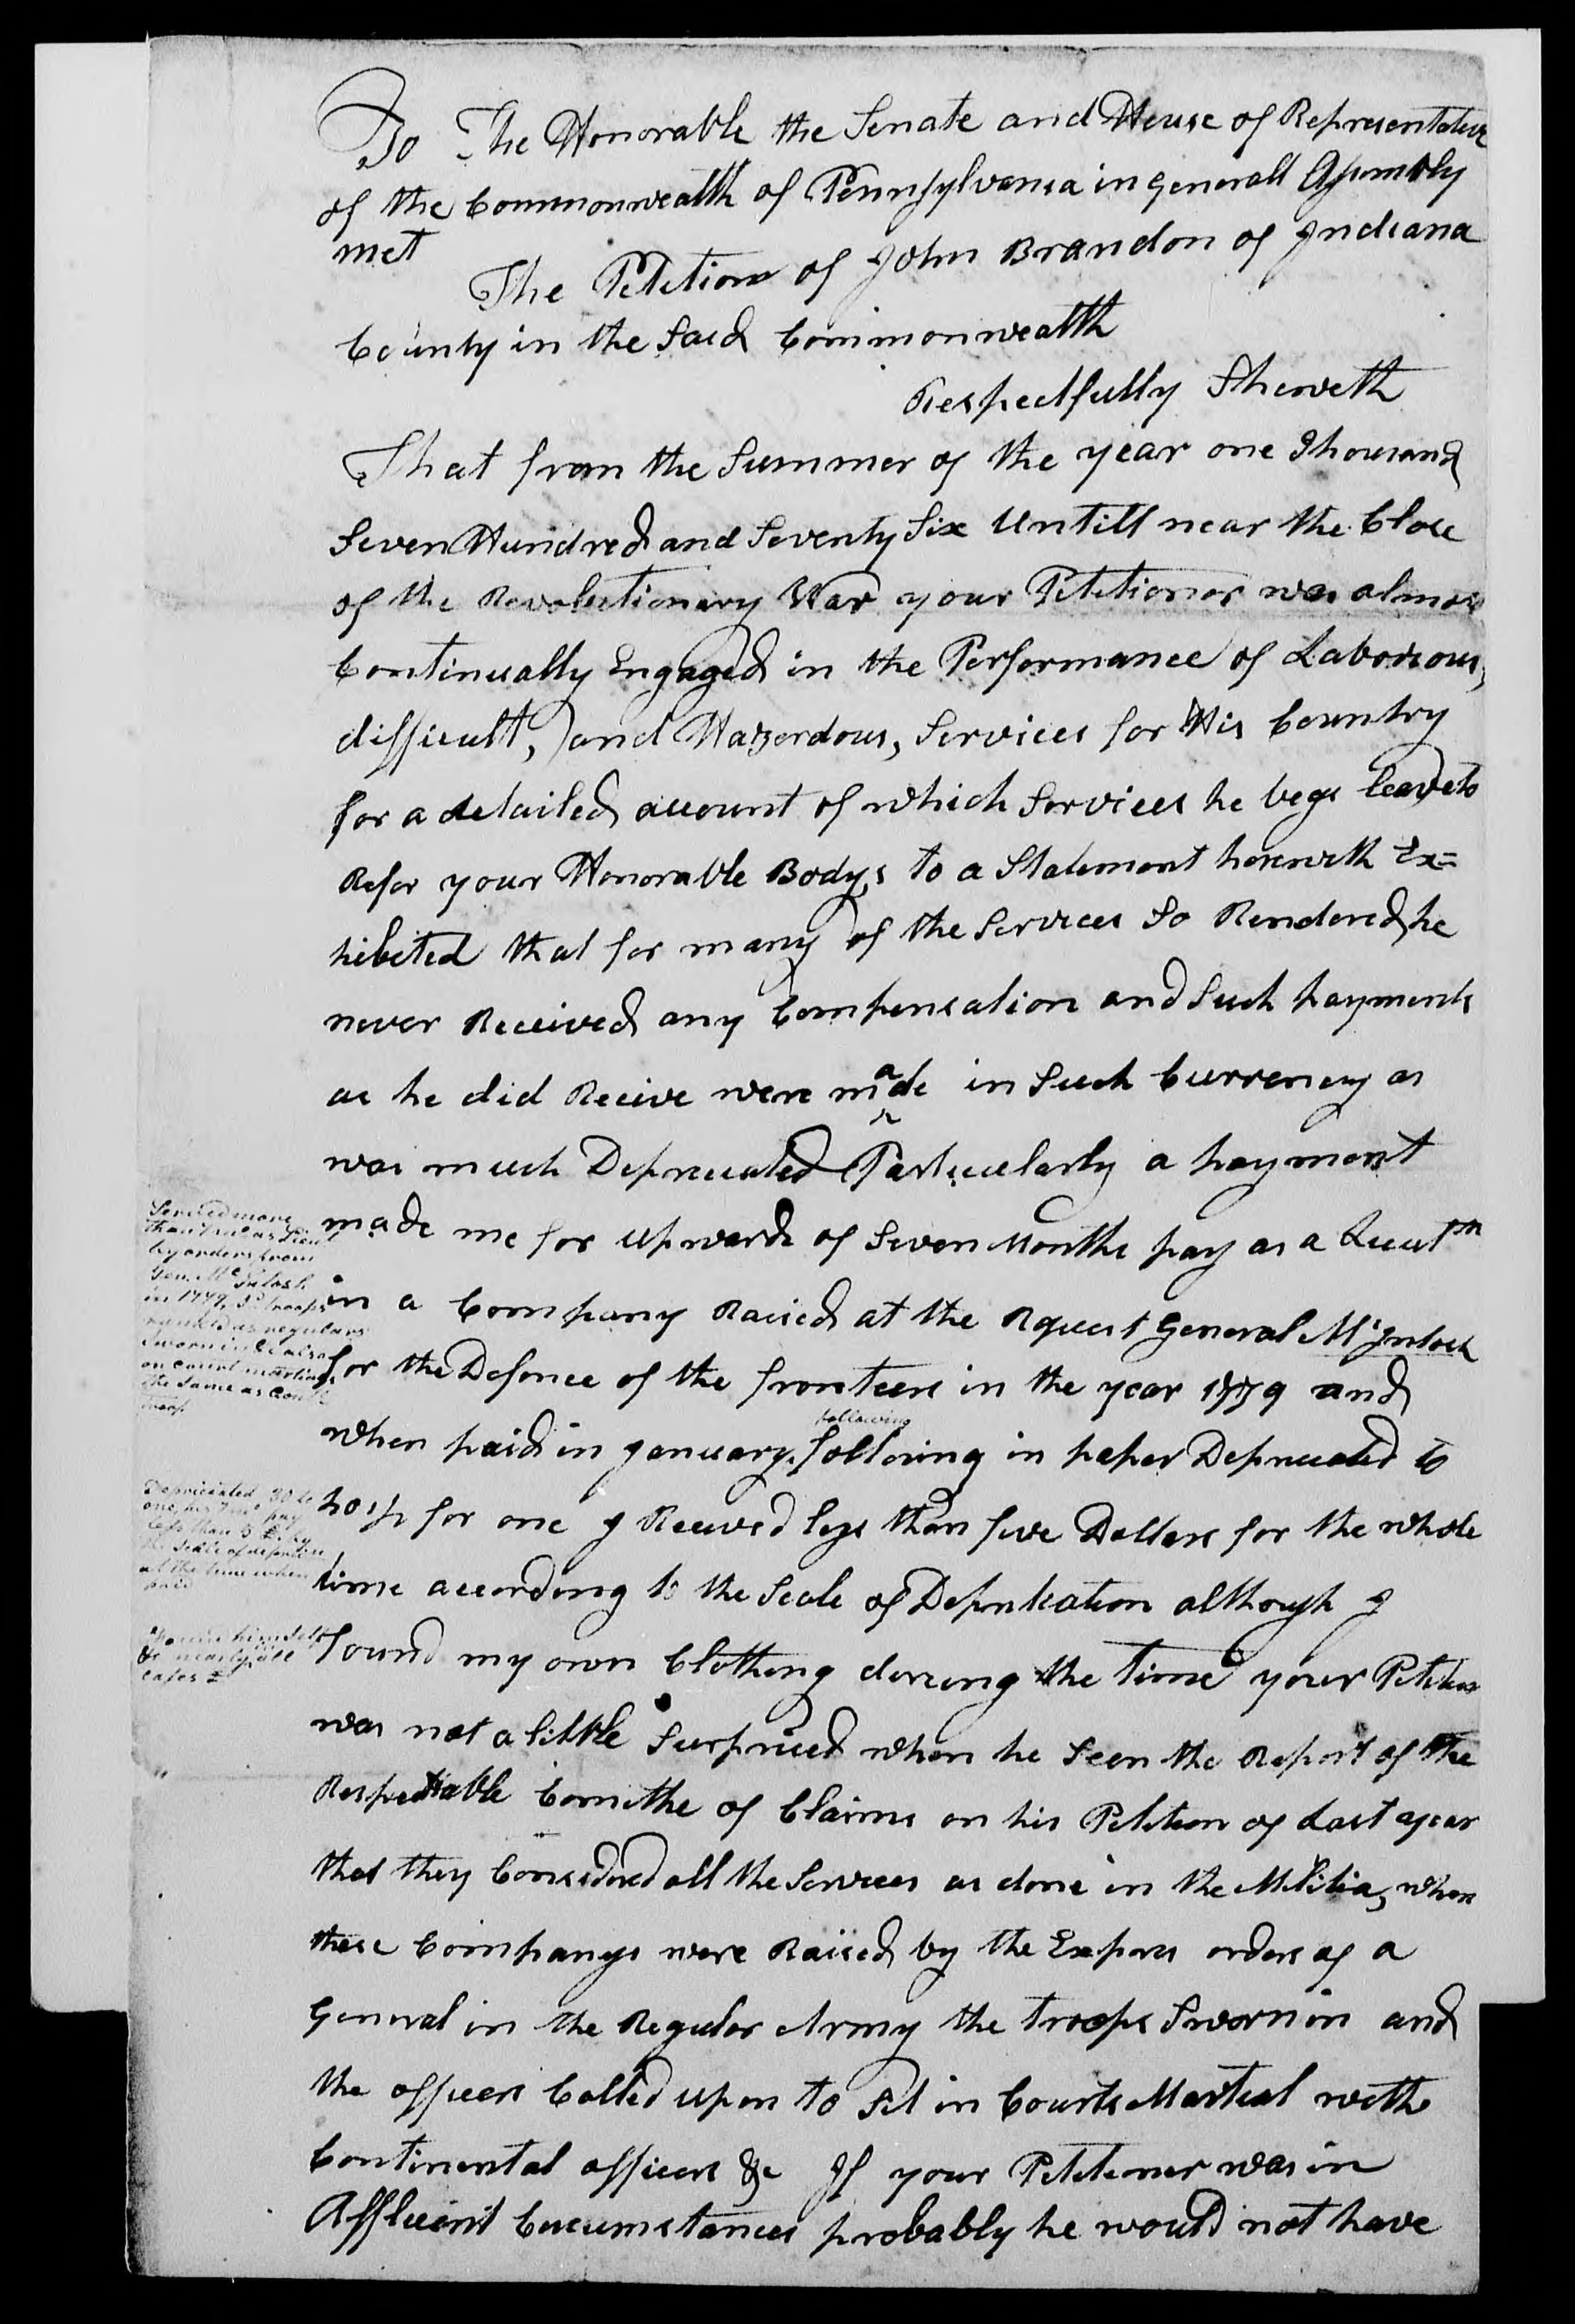To The Honorable the Senate and House of Representatives of the Commonwealth of Pennsylvania in General Assembly met The Petition of John Brandon of Indiana County in the said Commonwealth Respectfully Sheweth That from the summer of the year one Thousand Seven Hundred and Seventy Six untill near the close of the Revolutionary war your Petitioner was almost Continually engaged in the performance of Laborious, difficult, and Hazardous, services for his Country for a detailed account of which services he begs leave refer your Honorable Bodys to a Statement herewith exhibited that for many of the service so Rendered he never received any compensation and such payments as he did receive were made in such Currency as was much depreciated particularly a payment made me for upward of seven months pay as a Lieut in a company Raised at the request General McIntosh the same County for the Defence of the frontier in the year 1779 and when paid in January following in paper Depreciated to 30 for one I Received less than five Dollars for the whole time according to the seal of Deputation although I found my own clothing during the time your Petitioner was not a little surprised when he seen the Report of the Respectable Committee of Claims on his petition of last year that they considered all the services as done in the Militia, when these companys were raised by the Express orders of a General in the Regular Army the troops sworn in and the officer called upon to sit in Courts Martial with Continental officers &c If your Petitioner was in Affluent Circumstances probably he would not have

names: John Brandon, Mc Intosh, Mc Intosh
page: 6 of 83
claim: widow's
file: W. 5946, John Brandon, Penn